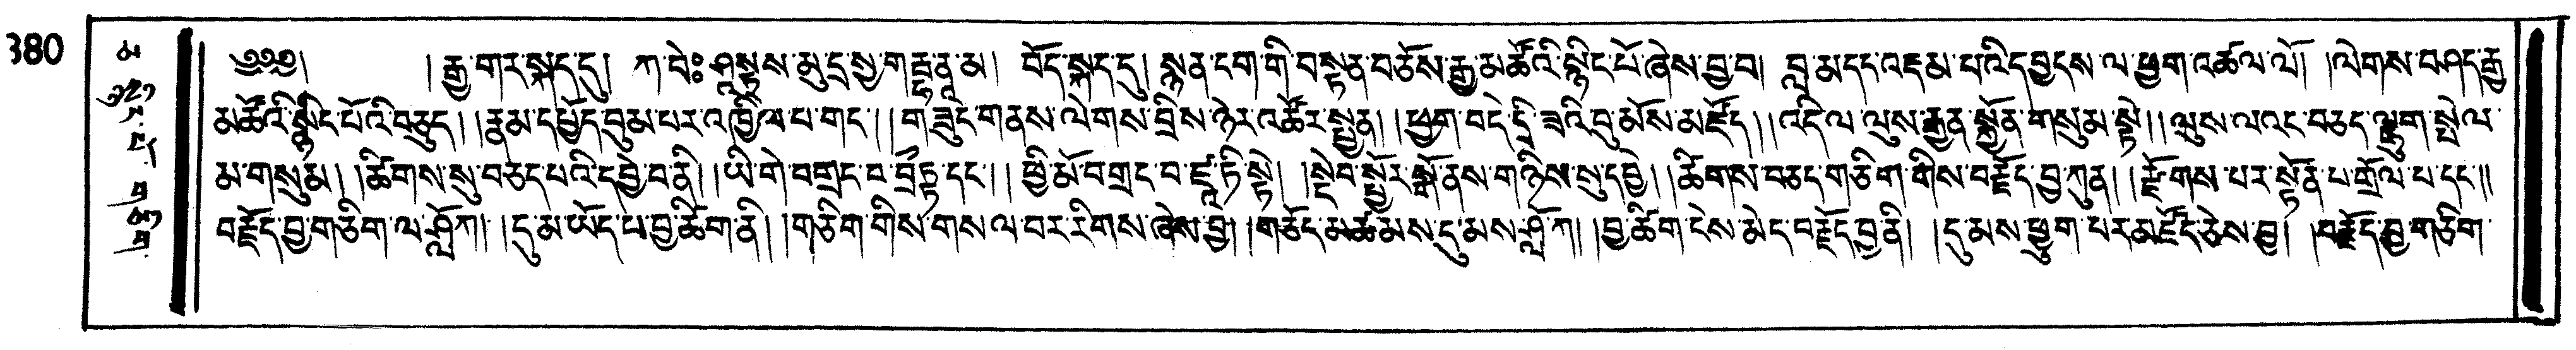༄༅༅། །རྒྱ་གར་སྐད་དུ། ཀ་བེཿ ཤཱསྟྲས་མུ་དྲ་སྱ་གརྦྷ་ནཱ་མ། བོད་སྐད་དུ། སྙན་ངག་གི་བསྟན་བཅོས་རྒྱ་མཚོའི་སྙིང་པོ་ཞེས་བྱ་བ། བླ་མ་དང་འཇམ་པའི་དབྱངས་ལ་ཕྱག་འཚལ་ལོ། །ལེགས་བཤད་རྒྱ་
མཚོའི་སྙིང་པོའི་བཅུད། །རྣམ་དཔྱོད་བུམ་པར་འཁྱིལ་པ་གང་། །གཟུང་གནས་ལེགས་བྲིས་ཉེར་འཚོར་སྤྱན། །ཕྱག་བདེ་དྲི་ཟའི་བུ་མོས་མཛོད། །འདི་ལ་ལུས་རྒྱན་སྐྱོན་གསུམ་སྟེ། །ལུས་ལའང་བཅད་ལྷུག་སྤེལ་
མ་གསུམ། །ཚིགས་སུ་བཅད་པའི་དབྱེ་བ་ནི། །ཡི་གེ་བགྲང་བ་བྲྀཏྟ་དང་། །ཕྱི་མོ་བ་གྲང་བ་ཛཱ་ཏི་སྟེ། །སྡེབ་སྤྱོར་སྒོ་ནས་གཉིས་སུ་དབྱེ། །ཚིགས་བཅད་གཅིག་གིས་བརྗོད་བྱ་ཀུན། །རྫོགས་པར་སྟོན་པ་གྲོལ་པ་དང།།
བརྗོད་བྱ་གཅིག་ལ་ཤློཀ། །དུ་མ་ཡོད་པ་བྱ་ཚིག་ནི། །གཅིག་གིས་གསལ་བར་རིགས་ཞེས་བྱ། །གཅོད་མཚམས་དུ་མས་ཤློཀ། །བྱ་ཚིག་ངེས་མེད་བརྗོད་བྱ་ནི། །དུ་མས་ཕྱུག་པར་མཛོད་ཅེས་བྱ། །བརྗོད་བྱ་གཅིག་